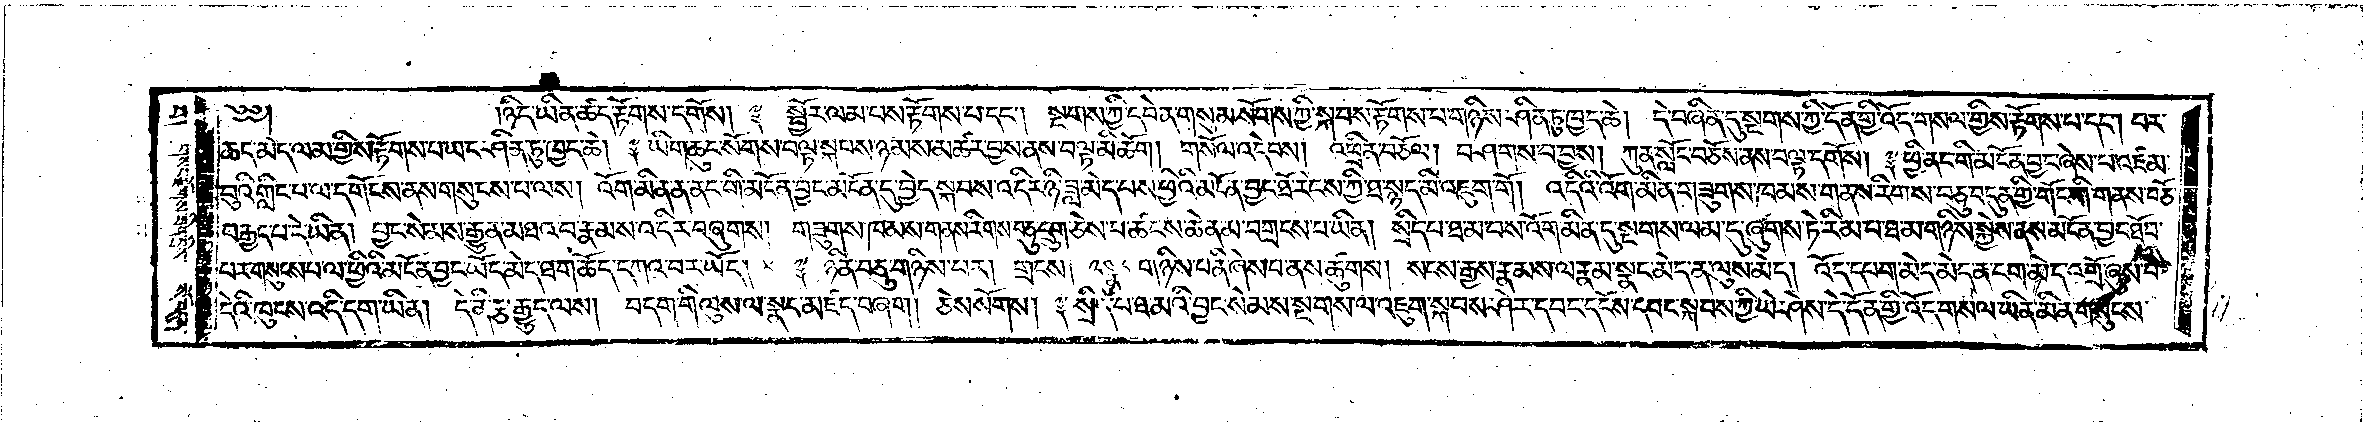༄༅། །ཉིད་ཡིན་ཚད་རྟོགས་དགོས། ༈ སྦྱོར་ལམ་པས་རྟོགས་པ་དང་། སྔགས་ཀྱི་དབེན་གསུམ་སོགས་ཀྱི་སྐབས་རྟོགས་པ་གཉིས་ཤིན་ཏུ་ཁྱད་ཆེ། དེ་བཞིན་དུ་སྔགས་ཀྱི་དོན་གྱི་འོད་གསལ་གྱི་རྟོགས་པ་དང་། བར་
ཆད་མེད་ལམ་གྱི་རྟོགས་པ་ཡང་ཤིན་ཏུ་ཁྱད་ཆེ། ༈ ཡིག་ཆུང་སོགས་བལྟ་སྐབས་ཉམས་མཚར་བྱས་ནས་བལྟ་མི་ཆོག། གསོལ་འདེབས། འཕྲིན་བཅོལ། བཤགས་པ་བྱས། ཀུན་སློང་བཅོས་ནས་བལྟ་དགོས། ༈ ཕྱི་ནང་གི་མངོན་བྱང་ཞེས་པ་འཛམ་
བུའི་གླིང་པ་ལ་དགོངས་ནས་གསུངས་པ་ལས། འོག་མིན་ན་ནང་གི་མངོན་བྱང་མངོན་དུ་བྱེད་སྐབས་འདིར་ཉི་ཟླ་མེད་པས་ཕྱིའི་མངོན་བྱང་ཐོ་རེངས་ཀྱི་ཐ་སྙད་མི་འཇུག་གོ། འདིའི་འོག་མིན་གཟུགས་ཁམས་གནས་རིགས་བཅུ་བདུན་གྱི་གོང་གི་གནས་བཅོ་
བརྒྱད་པ་དེ་ཡིན། བྱང་སེམས་རྒྱུན་མཐའ་བ་རྣམས་འདིར་བཞུགས། གཟུགས་ཁམས་གནས་རིགས་བཅུ་དྲུག་ཅེས་པ་ཚངས་ཆེན་མ་བགྲངས་པ་ཡིན། སྲིད་པ་ཐ་མ་བས་འོག་མིན་དུ་སྔགས་ལམ་དུ་ཞུགས་ཏེ་རིམ་པ་ཐ་མ་གཉིས་སྐྱེས་ནས་མངོན་བྱང་ཐོབ་
པར་གསུངས་པ་ལ་ཕྱིའི་མངོན་བྱང་ཡོད་མེད་ཐག་ཆོད་དཀའ་བར་ཡོད། ྾་༈ ཉིན་བཅུ་གཉིས་པར། གྲངས། ༢༤༨ན༦་གཉིས་པ་ནི་ཞེས་བ་ནས་ཚུགས། སངས་རྒྱས་རྣམས་ལ་རྣམ་སྣང་མེད་ན་ལུས་མེད། འོད་དཔག་མེད་མེད་ན་ངག་མེད་འགྲོ་ཞུས་པ་
དེའི་ཁུངས་འདི་དག་ཡིན། དེ་ནི་རྩ་རྒྱུད་ལས། བདག་གི་ལུས་ལ་སྣང་མཛད་བཞག། ཅེས་སོགས། ༈ སྲིད་པ་ཐ་མའི་བྱང་སེམས་སྔགས་ལ་འཇུག་སྐབས་ཤེར་དབང་དངོས་དབང་སྐབས་ཀྱི་ཡེ་ཤེས་དེ་དོན་གྱི་འོད་གསལ་ཡིན་མིན་གསུངས་